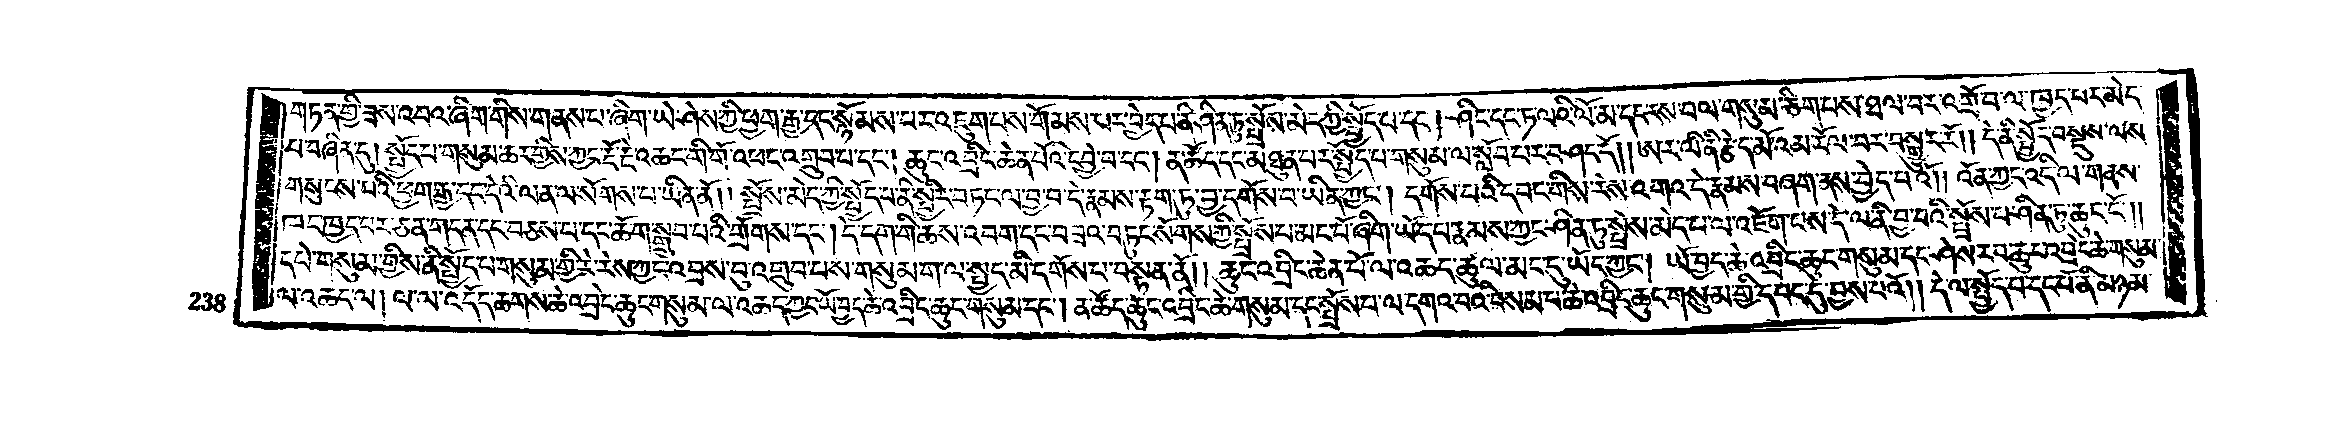གཏན་གྱི་ཟས་འབའ་ཞིག་གིས་གནས་པ་ཞིག་ཡེ་ཤེས་ཀྱི་ཕྱག་རྒྱ་དང་སྙོམས་པར་འཇུག་པས་གོམས་པར་བྱེད་པ་ནི་ཤིན་ཏུ་སྤྲོས་མེད་ཀྱི་སྤྱོད་པ་དང་། ཤིང་དང་ཏ་ལའི་ལོ་མ་དང་རས་བལ་གསུམ་ཚིག་པས་ཐལ་བར་འགྲོ་བ་ལ་ཁྱད་པར་མེད་
པ་བཞིན་དུ། སྤྱོད་པ་གསུམ་ཆར་གྱིས་ཀྱང་རྡོ་རྗེ་འཆང་གི་གོ་འཕང་འགྲུབ་པ་དང་། ཆུང་འབྲིང་ཆེན་པོའི་དབྱེ་བ་དང་། ན་ཚོད་དང་མཐུན་པར་སྤྱོད་པ་གསུམ་ལ་སློབ་པར་བཤད་དོ། །ཨར་ལི་ནི་རྩེད་མོ་འམ་རོལ་བར་བསྒྱུར་རོ། །དེ་ནི་སྤྱོད་བསྡུས་ལས་
གསུངས་པའི་ཕྱག་རྒྱ་དང་དེའི་ལན་ལ་སོགས་པ་ཡིན་ནོ། །སྤྲོས་མེད་ཀྱི་སྤྱོད་པ་ནི་སྤྱིར་བསྟན་ལ་བྱ་བ་དེ་རྣམས་རྟག་ཏུ་བྱ་དགོས་པ་ཡིན་ཀྱང་། དགོས་པའི་དབང་གིས་རེས་འགའ་དེ་རྣམས་བཞག་ནས་བྱེད་པའོ། །འོན་ཀྱང་འདི་ལ་གནས་
ཁང་ཁྱད་པར་ཅན་གདན་དང་བཅས་པ་དང་ཆོ་ག་སྒྲུབ་པའི་གྲོགས་དང་། དེ་དག་གི་ཆས་འབག་དང་བཟའ་བཏུང་སོགས་ཀྱི་སྤྲོས་པ་མང་པོ་ཞིག་ཡོད་པ་རྣམས་ཀྱང་ཤིན་ཏུ་སྤྲོས་མེད་པ་ལ་འཇོག་པས་དེ་ལ་ནི་བྱ་བའི་སྤྲོས་པ་ཤིན་ཏུ་ཆུང་ངོ།།
དཔེ་གསུམ་གྱིས་ནི་སྤྱོད་པ་གསུམ་གྱི་རེ་རེས་ཀྱང་འབྲས་བུ་འགྲུབ་པས་གསུམ་ག་ལ་སྤྱད་མི་དགོས་པ་བསྟན་ནོ། །ཆུང་འབྲིང་ཆེན་པོ་ལ་འཆད་ཚུལ་མང་དུ་ཡོད་ཀྱང་། ཡོ་བྱད་ཆེ་འབྲིང་ཆུང་གསུམ་དང་ཤེས་རབ་ཆུང་འབྲིང་ཆེ་གསུམ་
ལ་འཆད་ལ། ལ་ལ་འདོད་ཆགས་ཆེ་འབྲིང་ཆུང་གསུམ་ལ་འཆད་ཀྱང་ཡོ་བྱད་ཆེ་འབྲིང་ཆུང་གསུམ་དང་། ན་ཚོད་ཆུང་འབྲིང་ཆེ་གསུམ་དང་སྤྲོས་པ་ལ་དགའ་བའི་བསམ་པ་ཆེ་འབྲིང་ཆུང་གསུམ་གྱི་དབང་དུ་བྱས་པའོ། །དེ་ལ་སྤྱོད་པ་དང་པོ་ནི་མཉམ་